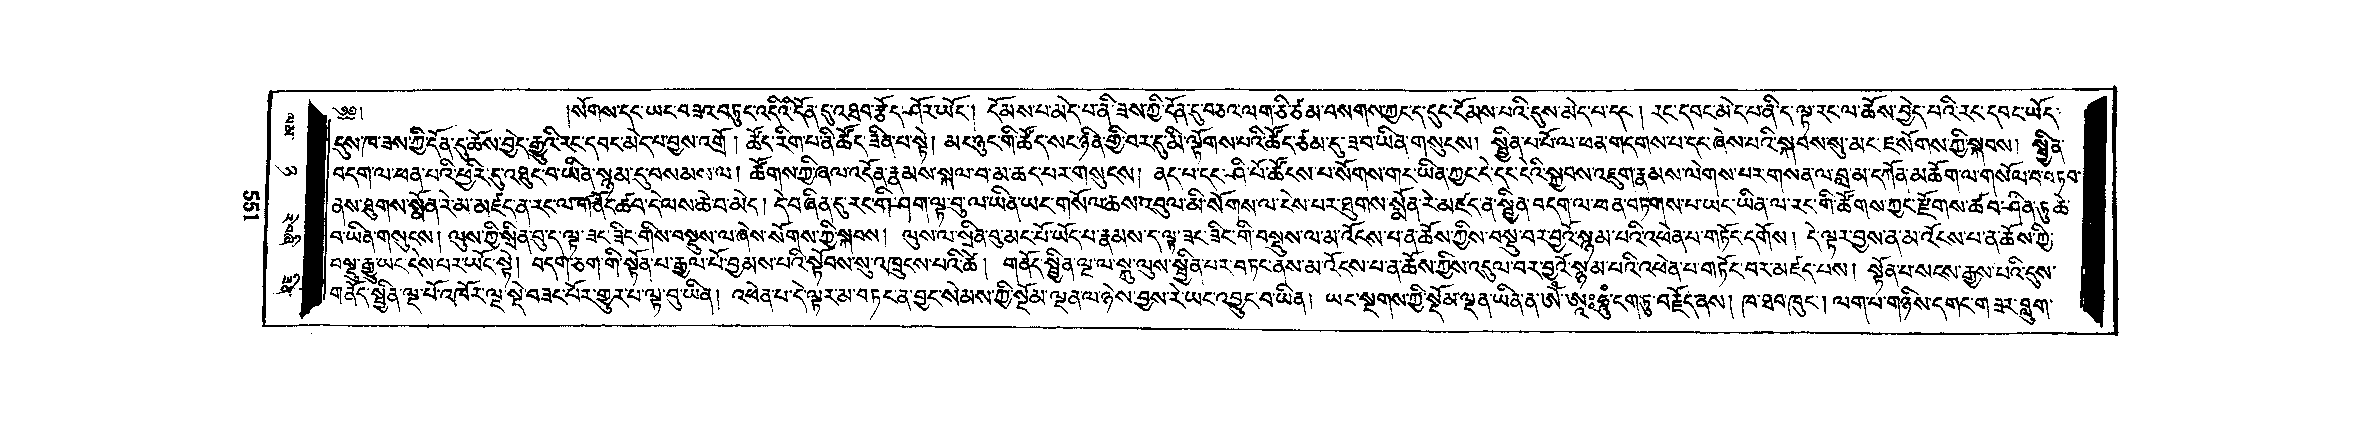༄༅། །སོགས་དང་ཡང་བཟའ་བཏུང་འདིའི་དོན་དུ་འཐབ་རྩོད་ཤོར་ཡོང་། དོམས་པ་མེད་པ་ནི་ཟས་ཀྱི་དོན་དུ་བཅའ་ལག་ཅི་ཙམ་བསགས་ཀྱང་ད་དུང་ངོམས་པའི་དུས་མེད་པ་དང་། རང་དབང་མེད་པ་ནི་ད་ལྟ་རང་ལ་ཆོས་བྱེད་པའི་རང་དབང་ཡོད་
དུས་ཁ་ཟས་ཀྱི་དོན་དུ་ཆོས་བྱེད་རྒྱུའི་རང་དབང་མེད་པ་བྱས་འགྲོ་།ཚོད་རིག་པ་ནི་ཚོད་ཟིན་པ་སྟེ། མང་ཉུང་གི་ཚོད་སང་ཉིན་གྱི་བར་དུ་མི་ལྟོགས་པའི་ཚོད་ཙམ་དུ་ཟ་བ་ཡིན་གསུངས། སྦྱིན་པ་པོ་ལ་ཕན་གདགས་པ་དང་ཞེས་པའི་སྐབས་སུ་མང་ཇ་སོགས་ཀྱི་སྐབས། སྦྱིན་
བདག་ལ་ཕན་པའི་ཕྱིར་དུ་འཐུང་བ་ཡིན་སྙམ་དུ་བསམས་ལ། ཚོགས་ཀྱི་ཞལ་འདོན་རྣམས་སྐལ་བ་མ་ཆད་པར་གསུངས། ནད་པ་དང་ཤི་པོ་ཚོངས་པ་སོགས་གང་ཡིན་ཀྱང་དེ་དང་དེའི་སྐྱབས་འཇུག་རྣམས་ལེགས་པར་གསན་ལ་བླ་མ་དཀོན་མཆོག་ལ་གསོལ་བ་བཏབ་
ནས་ཐུགས་སྨོན་རེ་མ་མཛད་ན་རང་ལ་གནོད་ཚབ་དེ་ལས་ཆེ་བ་མེད། དེ་བཞིན་དུ་རང་གི་ཤག་ལྟ་བུ་ལ་ཡིན་ཡང་གསོལ་ཆས་འབུལ་མི་སོགས་ལ་ངེས་པར་ཐུགས་སྨོན་རེ་མཛད་ན་སྦྱིན་བདག་ལ་ཕན་བཏགས་པ་ཡང་ཡིན་ལ་རང་གི་ཚོགས་ཀྱང་རྫོགས་ཚབ་ཤིན་ཏུ་ཆེ་
བ་ཡིན་གསུངས། ལུས་ཀྱི་སྲིན་བུ་ད་ལྟ་ཟང་ཟིང་གིས་བསྡུས་ལ་ཞེས་སོགས་ཀྱི་སྐབས། ལུས་ལ་སྲིན་བུ་མང་པོ་ཡོད་པ་རྣམས་ད་ལྟ་ཟང་ཟིང་གི་བསྡུས་ལ་མ་འོངས་པ་ན་ཆོས་ཀྱིས་བསྡུ་བར་བྱའོ་སྙམ་པའི་འཕེན་པ་གཏོང་དགོས། དེ་ལྟར་བྱས་ན་མ་འོངས་པ་ན་ཆོས་ཀྱི་
བསྡུ་རྒྱུ་ཡང་ངེས་པར་ཡོང་སྟེ། བདག་ཅག་གི་སྟོན་པ་རྒྱལ་པོ་བྱམས་པའི་སྟོབས་སུ་འཁྲུངས་པའི་ཚེ། གནོད་སྦྱིན་ལྔ་ལ་སྐུ་ལུས་སྦྱིན་པར་བཏང་ནས་མ་འོངས་པ་ན་ཆོས་ཀྱིས་འདུལ་བར་བྱའོ་སྙམ་པའི་འཕེན་པ་གཏོང་བར་མཛད་པས། སྟོན་པ་སངས་རྒྱས་པའི་དུས་
གནོད་སྦྱིན་ལྔ་པོ་འཁོར་ལྔ་སྡེ་བཟང་པོར་གྱུར་པ་ལྟ་བུ་ཡིན། འཕེན་པ་དེ་ལྟར་མ་བཏང་ན་བྱང་སེམས་ཀྱི་སྡོམ་ལྡན་ལ་ཉེས་བྱས་རེ་ཡང་འབྱུང་བ་ཡིན། ཡང་སྔགས་ཀྱི་སྡོམ་ལྡན་ཡིན་ན་ཨོཾ་ཨཱཿ ཧཱུཾ་ངག་ཏུ་བརྗོད་ནས། ཁ་ཐབ་ཁུང་། ལག་པ་གཉིས་དགང་གཟར་བླུག་